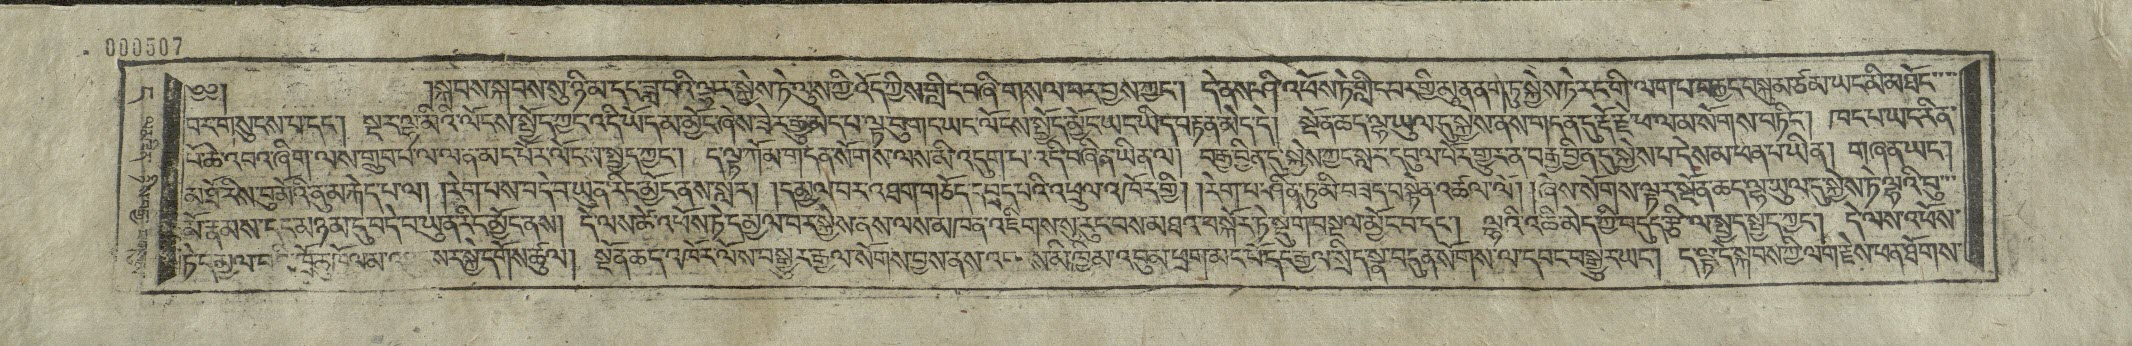༄༅། །སྐབས་སྐབས་སུ་ཉི་མ་དང་ཟླ་བའི་ལྷར་སྐྱེས་ཏེ་ལུས་ཀྱི་འོད་ཀྱིས་གླིང་བཞི་གསལ་བར་བྱས་ཀྱང་། དེ་ནས་ཤི་འཕོས་ཏེ་གླིང་བར་གྱི་མུན་ནག་ཏུ་སྐྱེས་ཏེ་རང་གི་ལག་པ་བརྐྱང་བསྐུམ་ཙམ་ཡང་མི་མཐོང་
བར་གསུངས་པ་དང་། སྔར་ལྷ་མིའི་ལོངས་སྤྱོད་ཀྱང་འདི་ཡོད་མ་མྱོང་ཞེས་ཟེར་རྒྱུ་མེད་པ་ལྟ་བུ་གང་ཡང་ལོངས་སྤྱོད་མྱོང་ཡང་ཡིད་བརྟན་མེད་དེ། སྔོན་ཆད་ལྷ་ཡུལ་དུ་སྐྱེས་ནས་གདན་དུ་རྡོ་རྗེ་ཕ་ལམ་སོགས་བཏིང་། ཁང་པ་ཡང་རིན་
པོ་ཆེ་འབའ་ཞིག་ལས་གྲུབ་པ་ལ་ལན་མང་པོར་ལོངས་སྤྱད་ཀྱང་། ད་ལྟ་ཀོམ་གདན་སོགས་ལས་མི་འདུག་པ་འདི་བཞིན་ཡིན་ལ། བརྒྱ་བྱིན་དུ་སྐྱེས་ཀྱང་སླར་དབུལ་པོར་གྱུར་ན་བརྒྱ་བྱིན་དུ་སྐྱེས་པ་དེས་མ་ཕན་པ་ཡིན། གཞན་ཡང་།
མཐོ་རིས་བུ་མོའི་ནུ་མ་རྐེད་པ་ལ། །རེག་པས་བདེ་བ་ཡུན་རིང་མྱོང་ནས་སླར། །དམྱལ་བར་འཐག་གཅོད་དབྲད་པའི་འཕྲུལ་འཁོར་གྱི། །རེག་པ་ཤིན་ཏུ་མི་བཟད་བསྟེན་འཚལ་ལོ། །ཞེས་སོགས་ལྟར་སྔོན་ཆད་ལྷ་ཡུལ་དུ་སྐྱེས་ཏེ་ལྷའི་བུ་
མོ་རྣམས་དང་མཉམ་དུ་བདེ་བ་ཡུན་རིང་མྱོང་ནས། དེ་ལས་ཚེ་འཕོས་ཏེ་དམྱལ་བར་སྐྱེས་ནས་ལས་མཁན་འཇིགས་སུ་རུང་བས་མཐའ་བསྐོར་ཏེ་སྡུག་བསྔལ་མྱོང་བ་དང་། ལྷའི་འཆི་མེད་ཀྱི་བདུད་རྩི་ལ་སྤྱད་སྤྱད་ཀྱང་། དེ་ལས་འཕོས་
ཏེ་དམྱལ་བའི་ཁྲོ་ཆུ་ཁོལ་མ་འཐུང་སར་སྐྱེ་དགོས་ཚུལ། སྔོན་ཆད་འཁོར་ལོས་བསྒྱུར་རྒྱལ་སོགས་བྱས་ནས་འབངས་མི་ཁྱིམ་འབུམ་ཕྲག་མང་པོ་དང་རྒྱལ་སྲིད་སྣ་བདུན་སོགས་ལ་དབང་བསྒྱུར་ཡང་། ད་ལྟ་དེ་སྐབས་ཀྱི་ལག་རྗེས་ཕན་ཐོགས་